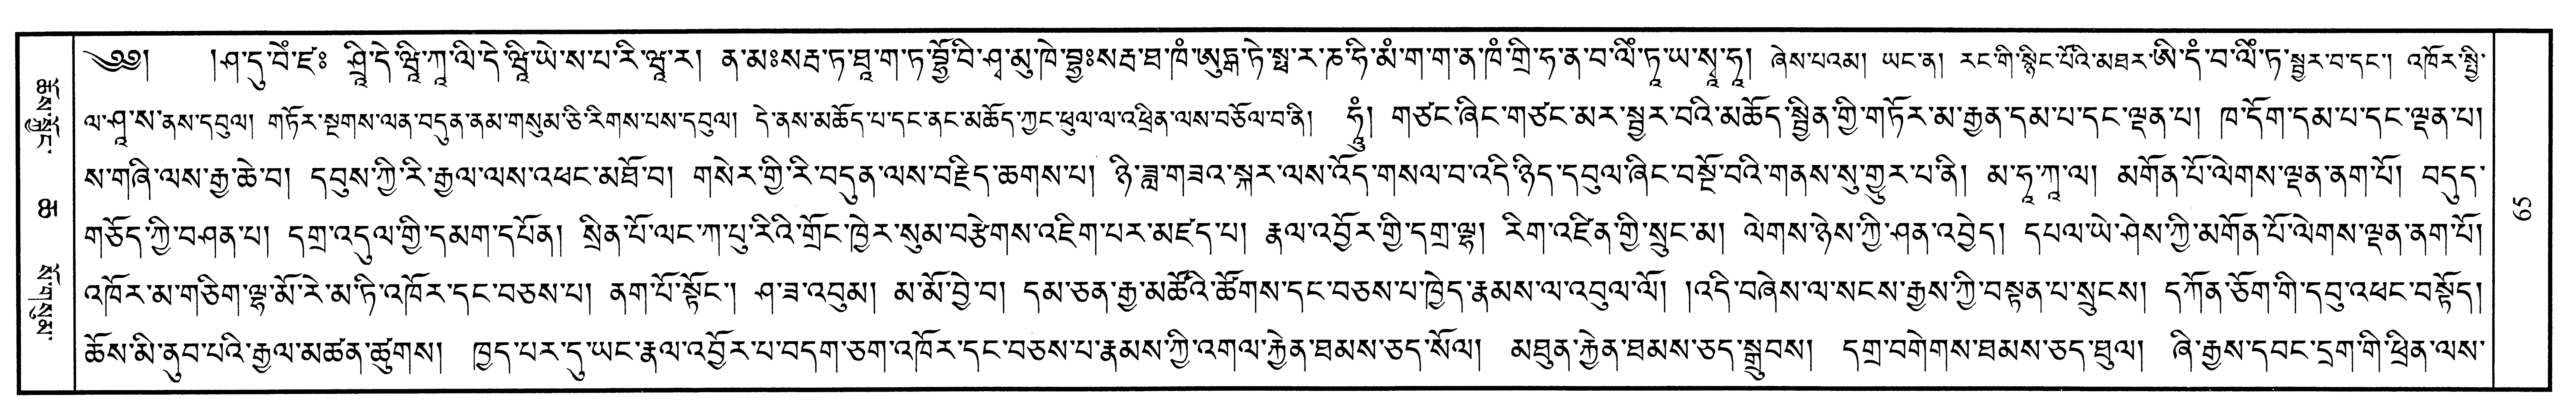༄༅། །ཤ་དུ་བེཾ་ཛཿ ཤྲཱི་དེ་ཝཱི་ཀཱ་ལི་དེ་ཝཱི་ཡེ་ས་པ་རི་ཝཱ་ར། ན་མཿ སརྦ་ཏ་ཐཱ་ག་ཏ་བྷྱོ་བི་ཤྭ་མུ་ཁེ་བྷྱཿ སརྦ་ཐ་ཁཾ་ཨུཏྒ་ཏེ་སྥ་ར་ཎ་ཧི་མཾ་ག་ག་ན་ཁཾ་གྲི་ཧ་ན་བ་ལིཾ་ཏཱ་ཡ་སྭཱ་ཧཱ། ཞེས་པའམ། ཡང་ན། རང་གི་སྙིང་པོའི་མཐར་ཨི་དཾ་བ་ལིཾ་ཏ་སྦྱར་བ་དང་། འཁོར་སྤྱི་
ལ་ཤཱ་ས་ནས་དབུལ། གཏོར་སྔགས་ལན་བདུན་ནམ་གསུམ་ཅི་རིགས་པས་དབུལ། དེ་ནས་མཆོད་པ་དང་ནང་མཆོད་ཀྱང་ཕུལ་ལས་འཕྲིན་ལས་བཅོལ་བ་ནི། ཧཱུཾ། གཙང་ཞིང་གཙང་མར་སྦྱར་བའི་མཆོད་སྦྱིན་གྱི་གཏོར་མ་རྒྱན་དམ་པ་དང་ལྡན་པ། ཁ་དོག་དམ་པ་དང་ལྡན་པ།
ས་གཞི་ལས་རྒྱ་ཆེ་བ། དབུས་ཀྱི་རི་རྒྱལ་ལས་འཕང་མཐོ་བ། གསེར་གྱི་རི་བདུན་ལས་བརྗིད་ཆགས་པ། ཉི་ཟླ་གཟའ་སྐར་ལས་འོད་གསལ་བ་འདི་ཉིད་དབུལ་ཞིང་བསྔོ་བའི་གནས་སུ་གྱུར་པ་ནི། མ་ཧཱ་ཀཱ་ལ། མགོན་པོ་ལེགས་ལྡན་ནག་པོ། བདུད་
གཅོད་ཀྱི་བཤན་པ། དགྲ་འདུལ་གྱི་དམག་དཔོན། སྲིན་པོ་ལང་ཀ་པུ་རིའི་གྲོང་ཁྱེར་སུམ་བརྩེགས་འཇིག་པར་མཛད་པ། རྣལ་འབྱོར་གྱི་དགྲ་ལྷ། རིག་འཛིན་གྱི་སྲུང་མ། ལེགས་ཉེས་ཀྱི་ཤན་འབྱེད། དཔལ་ཡེ་ཤེས་ཀྱི་མགོན་པོ་ལེགས་ལྡན་ནག་པོ།
འཁོར་མ་གཅིག་ལྷ་མོ་རེ་མ་ཏི་འཁོར་དང་བཅས་པ། ནག་པོ་སྟོང་། ཤ་ཟ་འབུམ། མ་མོ་བྱེ་བ། དམ་ཅན་རྒྱ་མཚོའི་ཚོགས་དང་བཅས་པ་ཁྱེད་རྣམས་ལ་འབུལ་ལོ། །འདི་བཞེས་ལ་སངས་རྒྱས་ཀྱི་བསྟན་པ་སྲུངས། དཀོན་ཅོག་གི་དབུ་འཕང་བསྟོད།
ཆོས་མི་ནུབ་པའི་རྒྱལ་མཚན་ཚུགས། །ཁྱད་པར་དུ་ཡང་རྣལ་འབྱོར་པ་བདག་ཅག་འཁོར་དང་བཅས་པ་རྣམས་ཀྱི་འགལ་རྐྱེན་ཐམས་ཅད་སོལ། མཐུན་རྐྱེན་ཐམས་ཅད་སྒྲུབས། དགྲ་བགེགས་ཐམས་ཅད་ཐུལ། ཞི་རྒྱས་དབང་དྲག་གི་ཕྲིན་ལས་